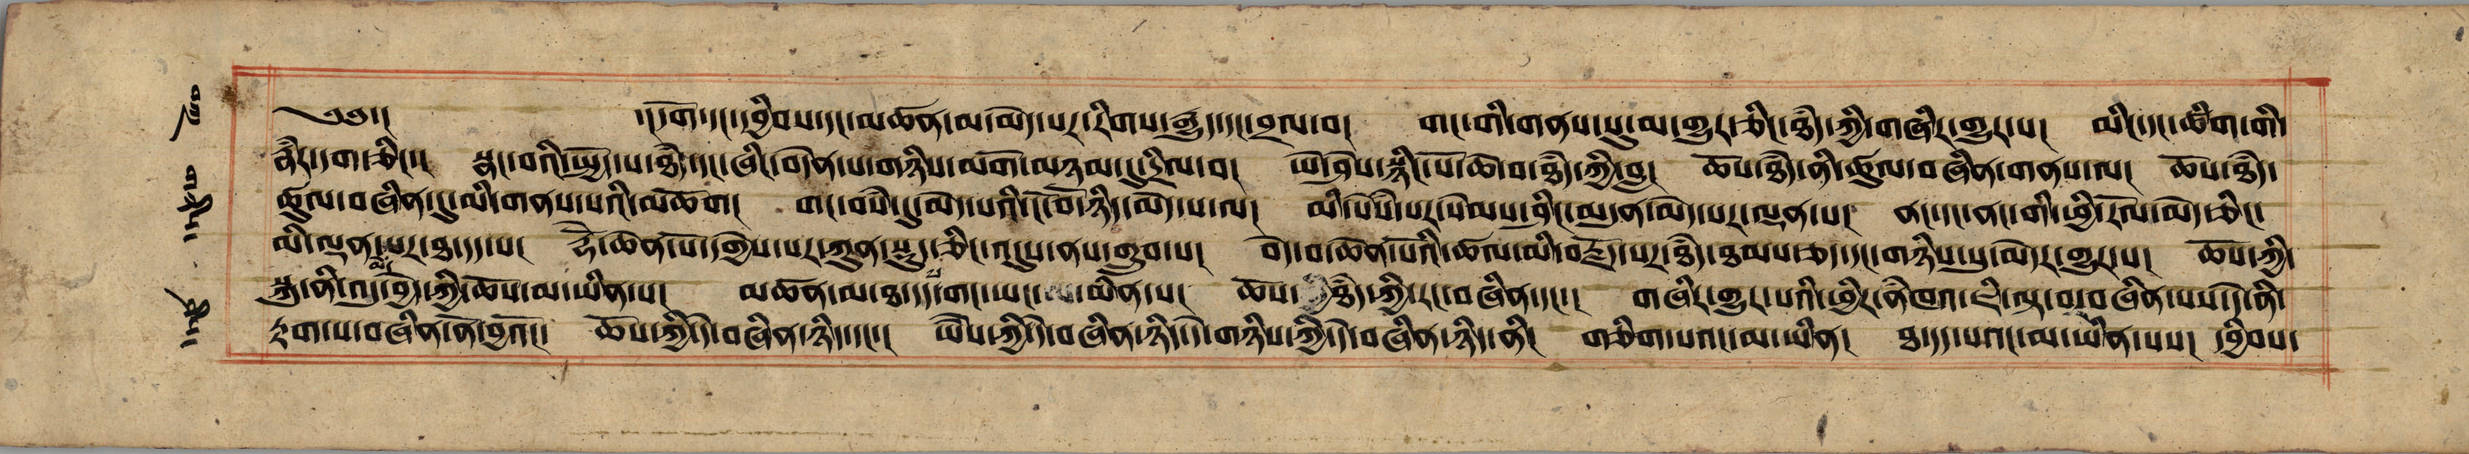༄༅་། ་།དོག་དང་དབྱིབས་དང་མཚན་མ་མེད་པར་རིགས་རྒྱུད་དང་བྲལ་བ། གང་གི་གནས་སུ་མ་གྱུར་ཅིང་ཐཾད་ཀྱི་གཞིར་གྱུར་པ། མིང་དང་ཚིག་གི་
རྣཾར་དག་ཅིང་། སྣང་བའི་སྤྱོད་པ་ཐཾད་དང་ཞིང་བདེན་པ་གཉིས་མགོ་མཉམ་དུ་དྲིལ་བ། ཡེ་ཤེས་སྙིང་པོ་ཆེ་བ་ཐཾད་ཀྱི་བླ། ཆོས་ཐཾད་ནི་ཚུལ་བཞིན་གནས་ལ། ཆོས་ཐཾད་
ཚུལ་བཞིན་དུ་མི་གནས་པའི་མཆོག། གང་བསཾ་དུ་མེད་པའི་ངོ་བོ་ཉིད་མེད་པ་ལ། མི་སེསཾ་པར་སེམས་ཤིང་མདུན་མེད་པར་ལྡན་པ་། ནང་དང་ནང་གི་ཕྱི་རོལ་མེད་ཅིང་
མི་ལྡན་མེད་པར་ཐ་དད་པ། རྡོེ་ཆེན་པོ་དགྱེས་པར་ཀུན་སྡུད་ཅིང་འདུས་ནས་གྲུབ་པ། བདེ་བ་ཆེན་པོའི་ཚལ་མི་བརྗོད་པར་ཐཾད་ཐམས་ཅད་དང་གཉིས་སུ་མེདར་གྱུར་པ། ཆོས་ཀྱི་
སྐུ་ནི་འདུ་བྱེད་ཀྱི་ཆོས་མ་ཡིན་པ། མཚན་མ་ཐ་དད་གང་ཡང་མ་ཡིན་པ། ཆོསཀྱི་ཐཾད་རང་བཞིན་དང་། གཞིར་གྱུར་པའི་ཕྱིར་ནཾཁའ་ཇི་ལྟ་བ་བཞིན་སོས་དེ་ནི་
རྟག་པ་བཞིན་ནོ་བྱའོ།་ ཆོས་ཀྱི་དེ་བཞིན་ཉིད་དང་། ཡཻས་ཀྱི་དེ་བཞིན་ཉིད་དེ་གཉིས་ཀྱི་དེ་བཞིན་ཉིད་ནི། གཅིག་པའང་མ་་ཡིན། ཐ་དད་པའང་མ་ཡིན་པས། དབྱིབས་